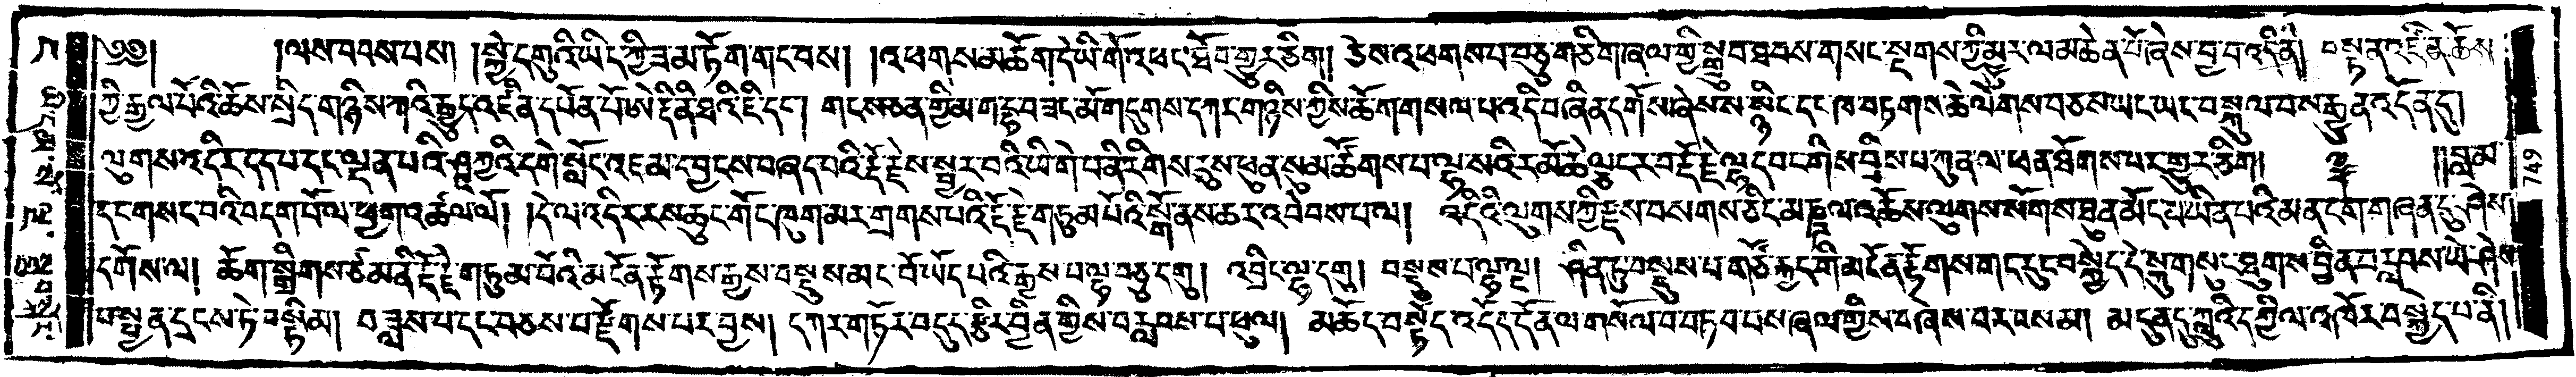༄༅། །ལས་བབས་པས། །སྐྱེ་དགུའི་ཡིད་ཀྱི་ཟ་མ་ཏོག་གང་བས། །འཕགས་མཆོག་དེ་ཡི་གོ་འཕང་ཐོབ་གྱུར་ཅིག། ཅེས་འཕགས་པ་བཅུ་གཅིག་ཞལ་གྱི་སྒྲུབ་ཐབས་གསང་སྔགས་ཀྱི་མྱུར་ལ་མཆེན་པོ་ཞེས་བྱ་པ་འདི་ནི། བསྟན་འཛིན་ཆོས་
ཀྱི་རྒྱལ་པོའི་ཆོས་སྲིད་གཉིས་ཀའི་རྒྱུད་འཛིན་དཔོན་པོ་ཨེ་རྡི་ནི་ཐའི་ཇི་དང་། གངས་ཅན་གྱི་མ་ག་དྷ་བཟང་མོ་གདུགས་དཀར་གཉིས་ཀྱིས་ཆོག་གསལ་པ་འདི་བཞིན་དགོས་ཞེས་ས་སྙིང་དང་ཁ་བཏགས་ཆེ་ལེགས་བཅས་ཡང་ཡང་བསྐུལ་བས་རྒྱུན་འདོན་དུ།
ལུགས་འདིར་དད་པ་དང་ལྡན་པའི་ཤཱཀྱའི་དགེ་སློང་འཇམ་དབྱངས་བཞད་པའི་རྡོ་རྗེས་སྤྱར་བའི་ཡི་གེ་པ་ནི་རིགས་རུས་ཕུན་སུམ་ཚོགས་པ་ལྷ་སའི་ར་མོ་ཆེ་ལྕང་ར་བརྡོ་རྗེ་ལྷ་དབང་གིས་བྲིས་པ་ཀུན་ལ་ཕན་ཐོགས་པར་གྱུར་ཅིག། ༈ །།བླ་མ་
དང་གསང་བའི་བདག་པོ་ལ་ཕྱག་འཚལ་ལོ། །དེ་ལ་འདིར་རས་ཆུང་གོང་ཁུག་མར་གྲགས་པའི་རྡོ་རྗེ་གཏུམ་པོའི་སྒོ་ནས་ཆར་འབེབས་པ་ལ། འདིའི་ལུགས་ཀྱི་རྫས་བསགས་ཅིང་མཎྜལ་འཆོས་ལུགས་སོགས་ཐུན་མོང་མ་ཡིན་པའི་མན་ངག་གཞན་དུ་ཤེས་
དགོས་ལ། ཆོག་སྒྲིགས་ཙམ་ནི་རྡོ་རྗེ་གཏུམ་བོའི་མངོན་རྟོགས་རྒྱས་བསྡུས་མང་པོ་ཡོད་པའི་རྒྱས་པ་ལྷ་བཅུ་དགུ། འབྲིང་ལྷ་དགུ། བསྡུས་པ་ལྷ་ལྔ། ཤིན་ཏུ་བསྡུས་པ་གཙོ་རྐྱང་གི་མངོན་རྟོགས་གང་རུང་བསྐྱེད་དེ་སྐུ་གསུང་ཐུགས་བྱིན་བརླབས་ཡེ་ཤེས་
པ་སྤྱན་དྲངས་ཏེ་བསྟིམ། བཟླས་པ་དང་བཅས་པ་རྫོགས་པར་བྱས། དཀར་གཏོར་བདུད་རྩིར་བྱིན་གྱིས་བརླབས་པ་ཕུལ། མཆོད་བསྟོད་འདོད་དོན་ལ་གསོལ་བཏབ་པས་ཞལ་གྱིས་བཞེས་པར་བསམ། མདུན་དུ་ཀླུའི་དཀྱིལ་འཁོར་བསྐྱེད་པ་ནི།